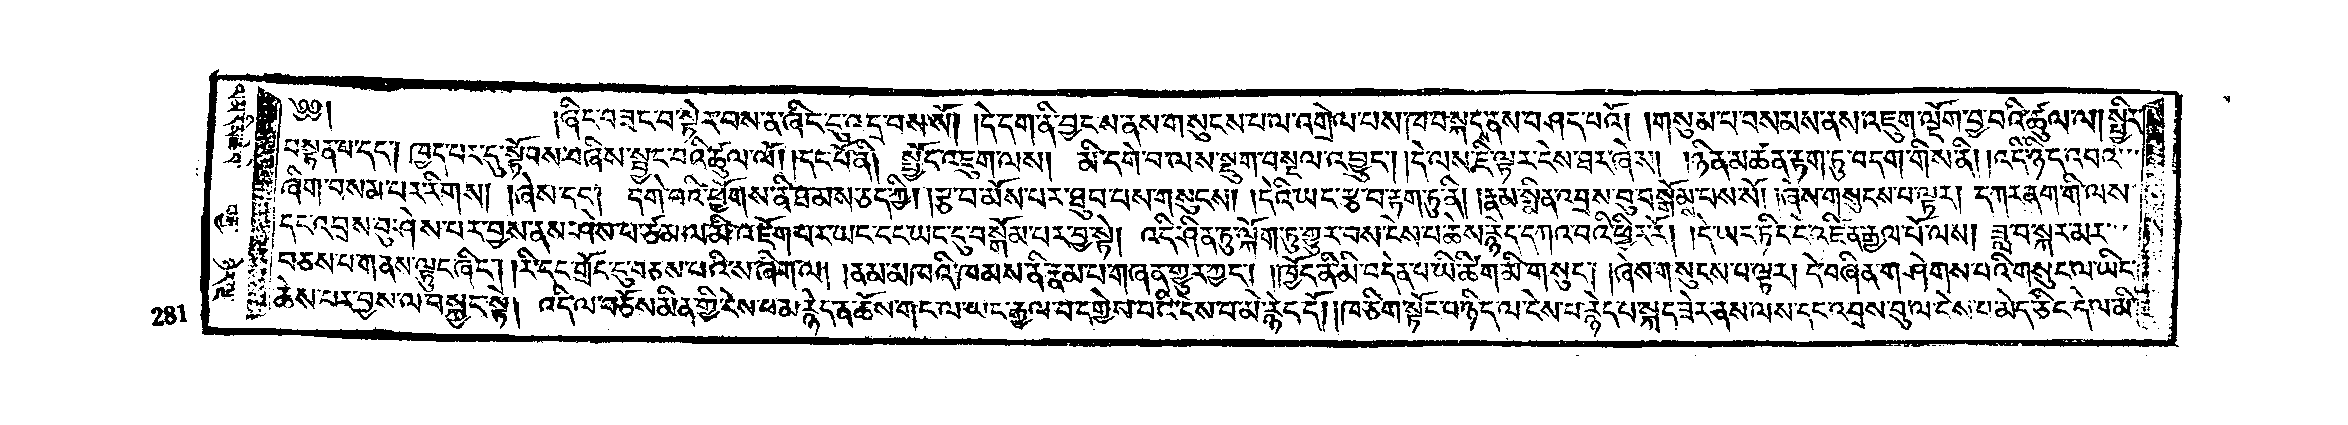༄༅། །ཞིང་བཟང་བ་སྟེར་བས་ན་ཞིང་དུ་འདྲ་བས་སོ། །དེ་དག་ནི་བྱང་ས་ནས་གསུངས་པ་ལ་འགྲེལ་པས་ཁ་བསྐང་ནས་བཤད་པའོ། །གསུམ་པ་བསམས་ནས་འཇུག་ལྡོག་བྱ་བའི་ཚུལ་ལ། སྤྱིར་
བསྟན་པ་དང་། ཁྱད་པར་དུ་སྟོབས་བཞིས་སྦྱང་བའི་ཚུལ་ལོ། །དང་པོ་ནི། སྤྱོད་འཇུག་ལས། མི་དགེ་བ་ལས་སྡུག་བསྔལ་འབྱུང་། །དེ་ལས་ཇི་ལྟར་ངེས་ཐར་ཞེས། །ཉིན་མཚན་རྟག་ཏུ་བདག་གིས་ནི། །འདི་ཉིད་འབའ་
ཞིག་བསམ་པར་རིགས། །ཞེས་དང་། དགེ་བའི་ཕྱོགས་ནི་ཐམས་ཅད་ཀྱི། །རྩ་བ་མོས་པར་ཐུབ་པས་གསུངས། །དེའི་ཡང་རྩ་བ་རྟག་ཏུ་ནི། །རྣམ་སྨིན་འབྲས་བུ་བསྒོམས་པས་སོ། །ཞེས་གསུངས་པ་ལྟར། དཀར་ནག་གི་ལས་
དང་འབྲས་བུ་ཤེས་པར་བྱས་ནས་ཤེས་པ་ཙམ་ལ་མི་འཇོག་པར་ཡང་དང་ཡང་དུ་བསྒོམ་པར་བྱ་སྟེ། འདི་ཤིན་ཏུ་ལྐོག་ཏུ་གྱུར་པས་ངེས་པ་ཆེས་རྙེད་དཀའ་བའི་ཕྱིར་རོ། །དེ་ཡང་ཏིང་ངེ་འཛིན་རྒྱལ་པོ་ལས། ཟླ་བ་སྐར་མར་
བཅས་པ་གནས་ལྟུང་ཞིང་། །རི་དང་གྲོང་དུ་བཅས་པའི་ས་ཞིག་ལ། །ནམ་མཁའི་ཁམས་ནི་རྣམ་པ་གཞན་གྱུར་ཀྱང་། །ཁྱོད་ནི་མི་བདེན་པ་ཡི་ཚིག་མི་གསུངས། །ཞེས་གསུངས་པ་ལྟར། དེ་བཞིན་གཤེགས་པའི་གསུང་ལ་ཡིད་
ཆེས་པར་བྱས་ལ་བསྐྱང་སྟེ། འདི་ལ་བཅོས་མིན་གྱི་ངེས་པ་མ་རྙེད་ན་ཆོས་གང་ལ་ཡང་རྒྱལ་བ་དགྱེས་པའི་ངེས་པ་མི་རྙེད་དོ། །ཁ་ཅིག་སྟོང་པ་ཉིད་ལ་ངེས་པ་རྙེད་པ་སྐད་ཟེར་ནས་ལས་དང་འབྲས་བུ་ལ་ངེས་པ་མེད་ཅིང་དེ་ལ་མི་